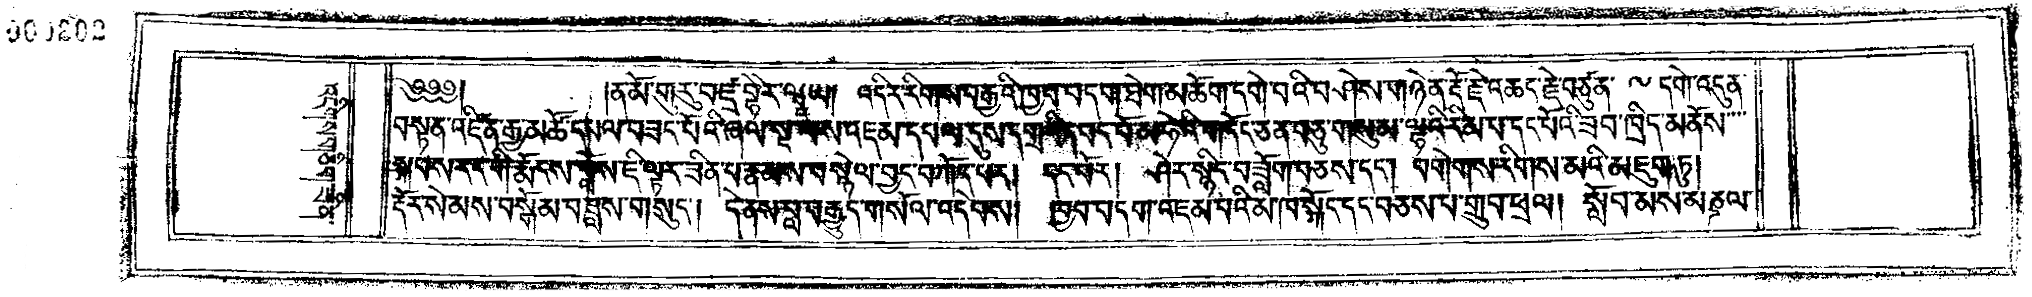༄༅༅། །ན་མོ་གུ་རུ་བཛྲ་བྷཻ་ར་ཝཱ་ཡ། འདིར་རིགས་བརྒྱའི་ཁྱབ་བདག་ཐེག་མཆོག་དགེ་བའི་བཤེས་གཉེན་རྡོ་རྗེ་འཆང་རྗེ་བཙུན་༧་དགེ་འདུན་
བསྟན་འཛིན་རྒྱ་མཚོ་དཔལ་བཟང་པོའི་ཞལ་སྔ་ལས་འཇམ་དཔལ་དུས་དགྲའི་དབང་པོ་མ་ཧེའི་གདོང་ཅན་བཅུ་གསུམ་ལྷའི་རིམ་པ་དང་པོའི་ཟབ་ཁྲིད་མནོས་
སྐབས་རང་གི་རྨོངས་བློས་ཇི་ལྟར་ཟིན་པ་རྣམས་བསྙེལ་བྱད་བཀོད་པར། དང་པོར། ཤེར་སྙིང་བཟློག་བཅས་དང་། བགེགས་རིགས་མའི་མཇུག་ཏུ།
རྡོར་སེམས་བསྒོམ་བཟླས་གསུང་། དེ་ནས་བླ་བརྒྱུད་གསོལ་འདེབས། ཁྱབ་བདག་འཇམ་པའི་མ་ཁ་སྐོང་དང་བཅས་པ་གྲུབ་ཕྲལ། སློབ་མས་མཎྜལ་